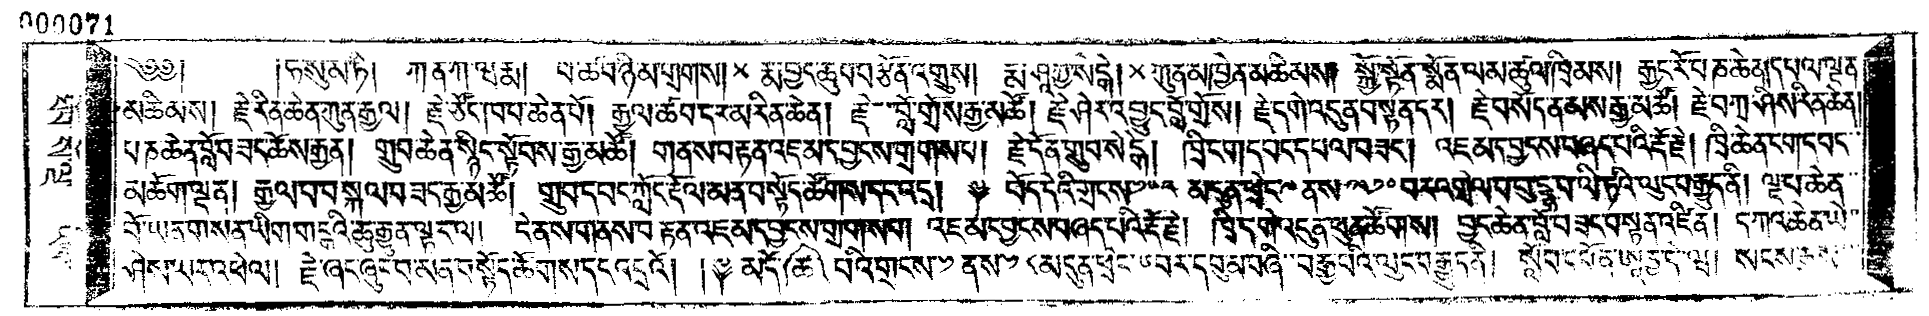༄༅། །ཧ་སུ་མ་ཏི། ཀ་ན་ཀ་ཝརྨ། བ་ཚབ་ཉི་མ་གྲགས། ྾་རྨ་བྱང་ཆུབ་བརྩོན་འགྲུས། རྨ་ཤཱཀྱ་སེངྒེ། ྾་ཀུན་མཁྱེན་མཆིམས། སྐྱོ་སྟོན་སྨོན་ལམ་ཚུལ་ཁྲིམས། རྒྱང་རོ་པཎ་ཆེན་།དཔལ་ལྡན་
མཆིམས། རྗེ་རིན་ཆེན་ཀུན་རྒྱལ། རྗེ་ཙོང་ཁ་པ་ཆེན་པོ། རྒྱལ་ཚབ་དར་མ་རིན་ཆེན། རྗེ་བློ་གྲོས་རྒྱ་མཚོ། རྗེ་ཤེར་འབྱུང་བློ་གྲོས། རྗེ་དགེ་འདུན་བསྟན་དར། རྗེ་བསོད་ནམས་རྒྱ་མཚོ། རྗེ་བཀྲ་ཤིས་རིན་ཆེན།
པཎ་ཆེན་བློ་བཟང་ཆོས་རྒྱན། གྲུབ་ཆེན་སྙིང་སྟོབས་རྒྱ་མཚོ། གནས་བརྟན་འཇམ་དབྱངས་གྲགས་པ། རྗེ་དོན་གྲུབ་སེངྒེ། ཁྲི་ངག་དབང་དཔལ་བཟང་། འཇམ་དབྱངས་བཞད་པའི་རྡོ་རྗེ། ཁྲི་ཆེན་ངག་དབང་
མཆོག་ལྡན། རྒྱལ་བ་བསྐལ་བཟང་རྒྱ་མཚོ། གྲུབ་དབང་ཀློང་རྡོལ་མན་བསྟོད་ཚོགས་དང་འདྲ། ༈ བོད་དེའི་གྲངས ༡༦༢་མདུན་ཕྲེང ༩?་ནས ༣༡༠་བར་འགྲེལ་བ་བུ་དྡྷ་བ་ལི་ཏའི་ལུང་བརྒྱུད་ནི། ལྔ་པ་ཆེན་
བོ་ཡན་གསན་ཡིག་གངྒའི་ཆུ་རྒྱུན་ལྟར་ལ། དེ་ནས་གནས་བརྟན་འཇམ་དབྱངས་གྲགས་པ། འཇམ་དབྱངས་བཞད་པའི་རྡོ་རྗེ། ཁྲི་དགེ་འདུན་ཕུན་ཚོགས། བྱང་ཆེན་བློ་བཟང་བསྟན་འཛིན། དཀའ་ཆེན་ཡེ་
ཤེས་ཡར་འཕེལ། རྗེ་ཞང་ཞུང་བ་མན་བསྟོད་ཚོགས་དང་འདྲའོ། །༈ མདོ ༼ཚ༽ པའི་གྲངས ༡་ནས ༡༨་མདུན་ཕྲེང ༦་བར་དབུ་མ་བཞི་བརྒྱ་པའི་ལུང་བརྒྱུད་ནི། སློབ་དཔོན་ཨཱརྱ་དེ་ཝ། སངས་རྒྱས་